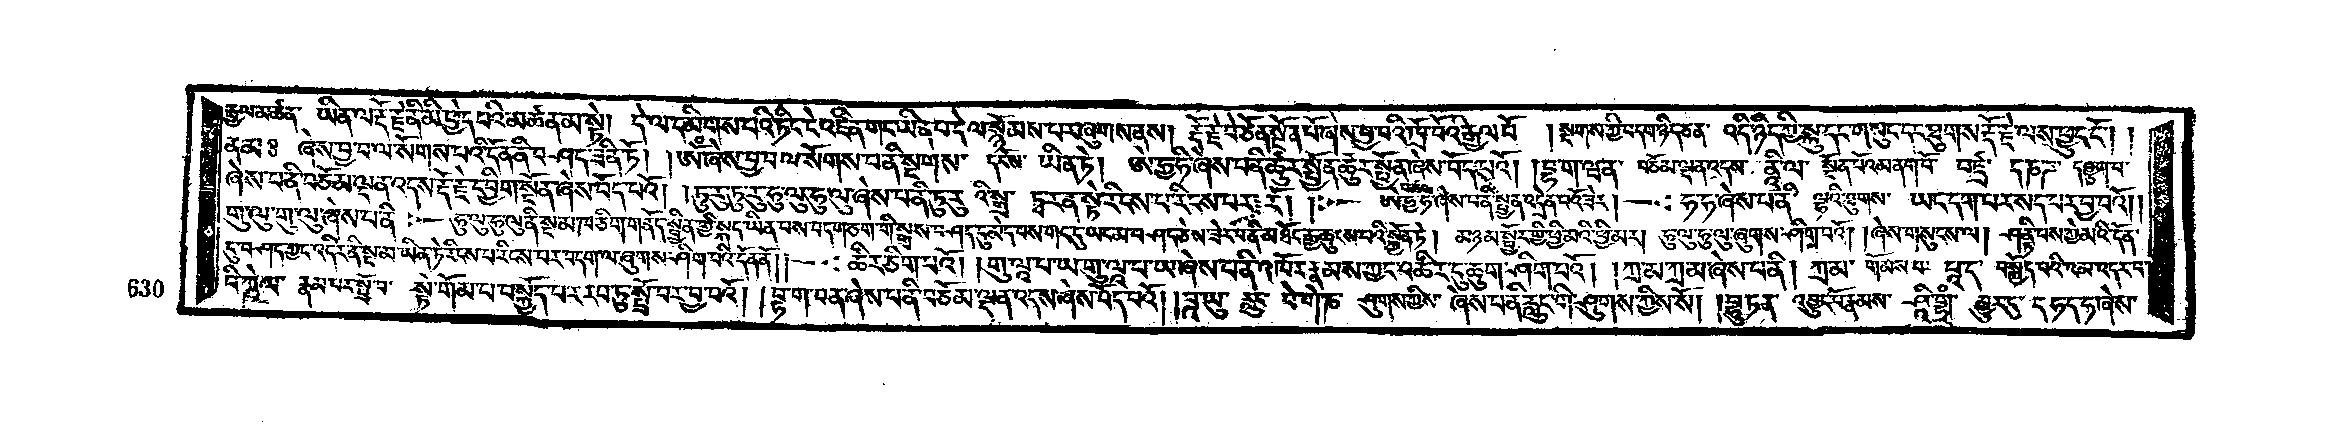རྒྱལ་མཚན་ཡིན་ལ་རྡོ་རྗེ་ནི་མི་ཕྱེད་པའི་མཚན་མ་སྟེ། དེ་ལ་དམིགས་པའི་ཏིང་ངེ་འཛིན་གང་ཡིན་པ་དེ་ལ་སྙོམས་པར་ཞུགས་ནས། རྡོ་རྗེ་བེ་ཅོན་སྔོན་པོ་ཞེས་བྱ་བའི་ཁྲོ་བོའི་རྒྱལ་པོ། སྔགས་ཀྱི་བདག་ཉིད་ཅན་འདི་ཉིད་ཀྱི་སྐུ་དང་གསུང་དང་ཐུགས་རྡོ་རྗེ་ལས་ཕྱུང་ངོ། །
ནམཿ ཞེས་བྱ་བ་ལ་སོགས་པའི་དོན་ནི་བཤད་ཟིན་ཏོ། །ཨོཾ་ཞེས་བྱ་བ་ལ་སོགས་པ་ནི་སྔགས་དངོས་ཡིན་ཏེ། ཨེ་ཧཡ་ཧི་ཞེས་པ་ནི་ཚུར་སྤྱོན་ཚུར་སྤྱོན་ཞེས་བོད་པའོ། །བྷ་ག་ཝན་བཅོམ་ལྡན་འདས་ནཱི་ལ་སྔོན་པོའམ་ནག་པོ་བཛྲ་ད་ཎ་ཌ་དབྱུག་བ
ཞེས་པ་ནི་བཅོམ་ལྡན་འདས་རྡོ་རྗེ་དབྱིག་སྔོན་ཞེས་བོད་པའོ། །ཏུ་རུ་ཏུ་རུ་ཧུ་ལུ་ཧུ་ལུ་ཞེས་པ་ནི་ཏུ་རུའི་སྒྲ་ཏྭ་ར་ན་སྟེ་རིངས་པ་རིངས་པར་རོ། ། H.་པ་ཚབ་ཨེ་ཧཡ་ཧི་ཞེས་པ་ནི་སྤྱན་འདྲེན་པའོ་ཟེར། .H ཧ་ཧ་ཞེས་པ་ནི་ལྷའི་ཐུགས་ཡང་དག་པར་སད་པར་བྱ་བའོ། །
གུ་ལུ་གུ་ལུ་ཞེས་པ་ནི་H.་ཧུ་ལུ་ཧུ་ལུ་ནི་སྔ་མ་ཁ་ཅིག་གནོད་སྦྱིན་གྱི་སྐད་ཡིན་པས་བདག་ཅག་གི་སྒྲས་བཤད་དུ་མེད་པས་གང་དུ་ཡང་མ་བཤད་ཅེས་ཟེར་བ་ནི་མཐོང་རྒྱ་ཚུངས་?་པའི་སྐྱོན་ཏེ། མཉམ་སྦྱོར་གྱི་ཕྱི་མའི་ཕྱི་མར། ཧུ་ལུ་ཧུ་ལུ་ཞུགས་ཤིག་པའོ། །ཞེས་གསུངས་ལ། ཤནྟི་པས་ཀྱེ་མའི་དོན་
དུ་བཤད་ཀྱང་འདིར་ནི་སྔ་མ་ཡིན་ཏེ་རིངས་པ་རིངས་པར་བདག་ལ་ཞུགས་ཤིག་པའི་དོན་ནོ།། .H ཚིར་ཅིག་པའོ། །གུ་ལཱ་པ་ཡ་གུ་ལཱ་པ་ཡ་ཞེས་པ་ནི་འཁོར་རྣམས་ཀྱང་འཚིར་དུ་ཆུག་ཤིག་པའོ། །ཀྲ་མ་ཀྲ་མ་ཞེས་པ་ནི། ཀྲ་མ་གོམས་པ་པཱ་ད་བསྐྱོད་པའི་འམ་འདོར་བ
བི་ཀE་པ་རྣམ་པར་སྤྲོ་བ་སྟེ་གོམ་པ་བསྐྱོད་པར་རབ་ཏུ་སྤྲོ་བར་བྱ་བའོ། །བྷ་ག་བན་ཞེས་པ་ནི་བཅོམ་ལྡན་འདས་ཞེས་བོད་པའོ། །བཱ་ཡུ་རླུང་བེ་གེ་ཎ་ཤུགས་ཀྱིས་ཞེས་པ་ནི་རླུང་གི་ཤུགས་ཀྱིས་སོ། །བྷུ་ཏན་འབྱུང་པོ་རྣམས་ཤཱི་གྷྲཾ་མྱུར་དུ་ད་ཧ་ད་ཧ་ཞེས་